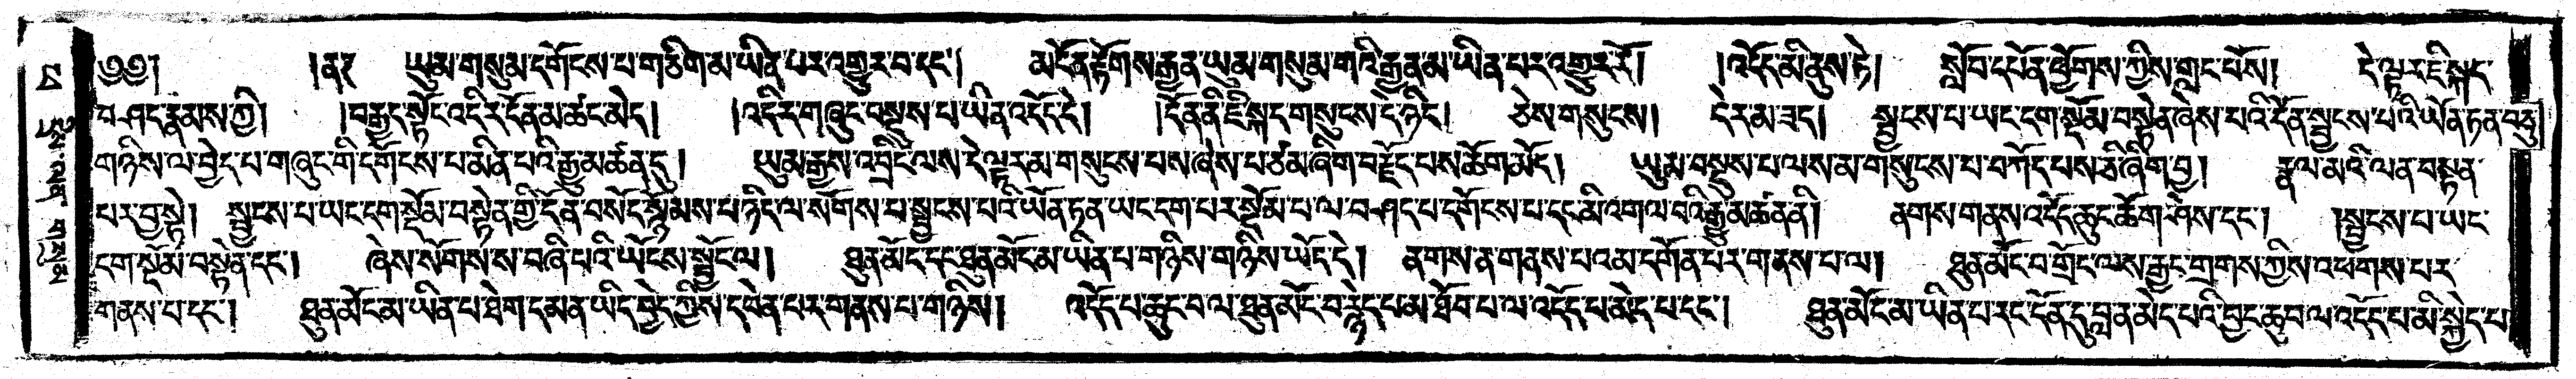༄༅། །ན༑ ཡུམ་གསུམ་དགོངས་པ་གཅིག་མ་ཡིན་པར་འགྱུར་བ་དང་། མངོན་རྟོགས་རྒྱན་ཡུམ་གསུམ་གའི་རྒྱན་མ་ཡིན་པར་འགྱུར་རོ། །འདོད་མི་ནུས་ཏེ། སློབ་དཔོན་ཕྱོགས་ཀྱིས་གླང་པོས། དེ་ལྟར་ཇི་སྐད་
བཤད་རྣམས་ཀྱི། །བརྒྱད་སྟོང་འདིར་དོན་མ་ཚང་མེད། །འདིར་གཞུང་བསྡུས་པ་ཡིན་འདོད་དེ། །དོན་ནི་ཇི་སྐད་གསུངས་དེ་ཉིད། ཅེས་གསུངས། དེར་མ་ཟད། སྦྱངས་པ་ཡང་དག་སྡོམ་བསྟེན་ཞེས་པའི་དོན་སྦྱངས་པའི་ཡོན་ཏན་བཅུ་
གཉིས་ལ་བྱེད་པ་གཞུང་གི་དགོངས་པ་མིན་པའི་རྒྱུ་མཚན་དུ། ཡུམ་རྒྱས་འབྲིང་ལས་དེ་ལྟར་མ་གསུངས་པས་ཞེས་པ་ཙམ་ཞིག་བརྗོད་པས་ཆོག་མོད། ཡུམ་བསྡུས་པ་ལས་མ་གསུངས་པ་བཀོད་པས་ཅི་ཞིག་བྱ། རྣལ་མའི་ལན་བསྟན་
པར་བྱ་སྟེ། སྦྱངས་པ་ཡང་དག་སྡོམ་བསྟེན་གྱི་དོན་བསོད་སྙོམས་པ་ཉིད་ལ་སོགས་པ་སྦྱངས་པའི་ཡོན་ཏན་ཡང་དག་པར་སྡོམ་པ་ལ་བཤད་པ་དགོངས་པ་དང་མི་འགལ་བའི་རྒྱུ་མཚན་ནི། ནགས་གནས་འདོད་ཆུང་ཆོག་ཤེས་དང་། །སྦྱངས་པ་ཡང་
དག་སྡོམ་བསྟེན་དང་། ཞེས་སོགས་ས་བཞི་པའི་ཡོངས་སྦྱོང་ལ། ཐུན་མོང་དང་ཐུན་མོང་མ་ཡིན་པ་གཉིས་གཉིས་ཡོད་དེ། ནགས་ན་གནས་པའམ་དགོན་པར་གནས་པ་ལ། ཐུན་མོང་བ་གྲོང་ལས་རྒྱང་གྲགས་ཀྱིས་འཕགས་པར་
གནས་པ་དང་། ཐུན་མོང་མ་ཡིན་པ་ཐེག་དམན་ཡིད་བྱེད་ཀྱིས་དབེན་པར་གནས་པ་གཉིས། འདོད་པ་ཆུང་བ་ལ་ཐུན་མོང་བ་རྙེད་པ་མ་ཐོབ་པ་ལ་འདོད་པ་མེད་པ་དང་། ཐུན་མོང་མ་ཡིན་པ་རང་དོན་དུ་བླ་ན་མེད་པའི་བྱང་ཆུབ་ལ་འདོད་པ་མི་སྐྱེད་པ་